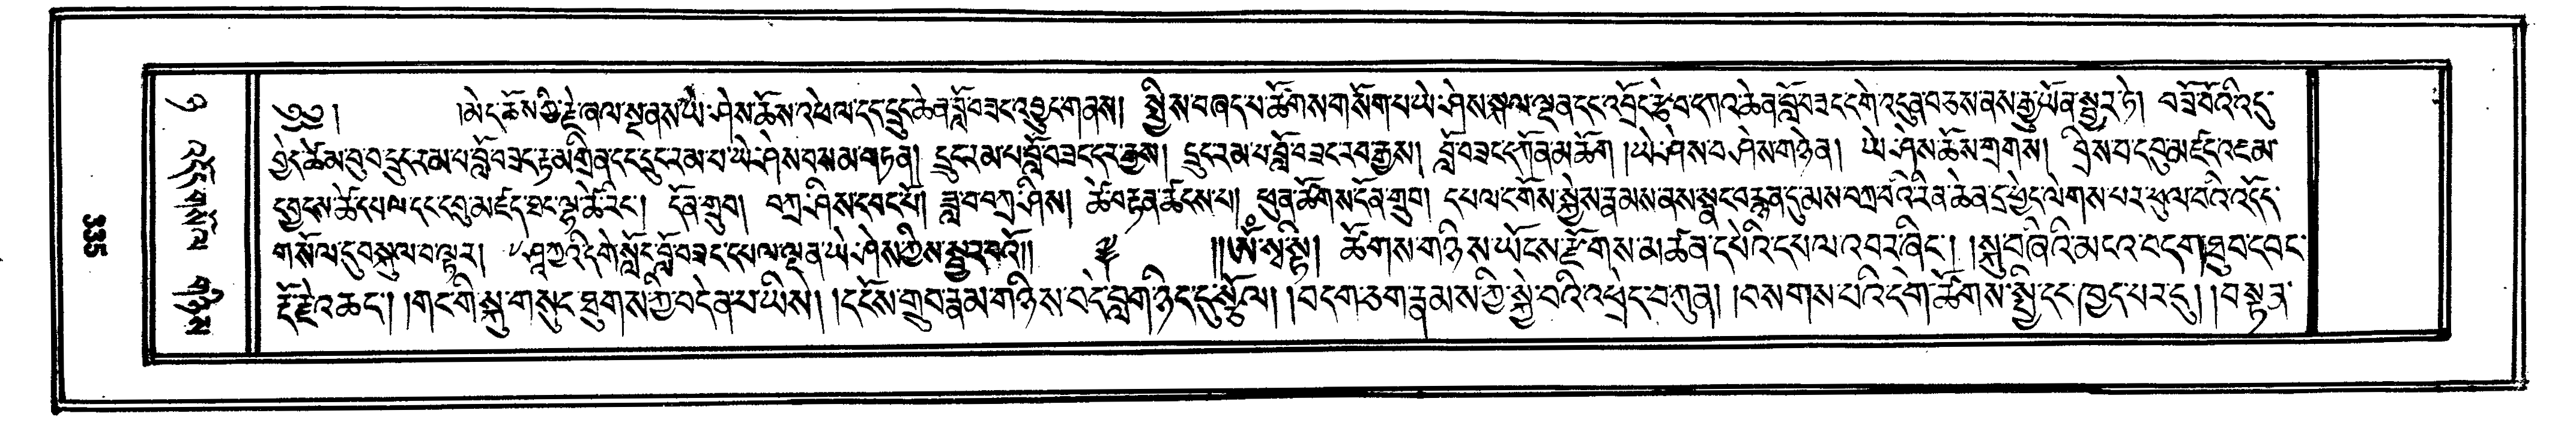༄༅། །མེད་ཆོས་ཀྱི་རྗེ་ཇ་ཞལ་སྔ་ནས་ཡེ་ཤེས་ཆོས་འཕེལ་དང་དྲུང་ཆེན་བློ་བཟང་འབྱུང་གནས། སྤྱིས་བཞད་བ་ཚོགས་གསོག་པ་ཡེ་ཤེས་སྐལ་ལྡན་དང་འབྲོང་རྩེ་བ་དཀའ་ཆེན་བློ་བཟང་དགེ་འདུན་བཅས་ནས་རྒྱུ་ཡོན་སྦྱར་ཏེ། བཟོ་བོའི་འདུ་
བྱེད་ཚེམ་བུ་བ་དྲུང་རམ་བ་བློ་བཟང་རྟ་མགྲིན་དང་དྲུང་རམ་པ་ཡེ་ཤེས་བསམ་གཏན། དྲུང་རམ་པ་བློ་བཟང་དར་རྒྱས། དྲུང་རམ་པ་བློ་བཟང་རབ་རྒྱས། བློ་བཟང་དཀོན་མཆོག །ཡེ་ཤེས་བཤེས་གཉེན། ཡེ་ཤེས་ཆོས་གྲགས། །བྲིས་པ་དབུ་མཛད་འཇམ་
དབྱངས་ཚེ་དཔལ་དང་དབུ་མཛད་ཐང་ལྷ་ཚེ་རིང་། དོན་གྲུབ། བཀྲ་ཤིས་དབང་པོ། ཟླ་བ་བཀྲ་ཤིས། ཚེ་བརྟན་ཚངས་པ། ཕུན་ཚོགས་དོན་གྲུབ། དཔལ་དགོས་སྐྱེས་རྣམས་ནས་སྣང་བརྙན་དུ་མས་བཀྲ་བའི་རིན་ཆེན་དྲ་ཕྱེད་ལེགས་པར་ཕུལ་བའི་འདོད་
གསོལ་དུ་བསྐུལ་བ་ལྟར། ཤཱཀྱའི་དགེ་སློང་བློ་བཟང་དཔལ་ལྡན་ཡེ་ཤེས་ཀྱིས་སྦྱར་བའོ།། ༈ །།ཨོཾ་སྭསྟི། ཚོགས་གཉིས་ཡོངས་རྫོགས་མཚན་དཔེའི་དཔལ་འབར་ཞིང་། །སྐུ་བཞིའི་མངའ་བདག་ཐུབ་དབང་
རྡོ་རྗེ་འཆང་། །གང་གི་སྐུ་གསུང་ཐུགས་ཀྱི་བདེན་པ་ཡིས། །དངོས་གྲུབ་རྣམ་གཉིས་བདེ་བླག་ཉིད་དུ་སྩོལ། །བདག་ཅག་རྣམས་ཀྱི་སྐྱེ་བའི་འཕྲེང་བ་ཀུན། །བསགས་པའི་དགེ་ཚོགས་སྤྱི་དང་ཁྱད་པར་དུ། །བསྟན་